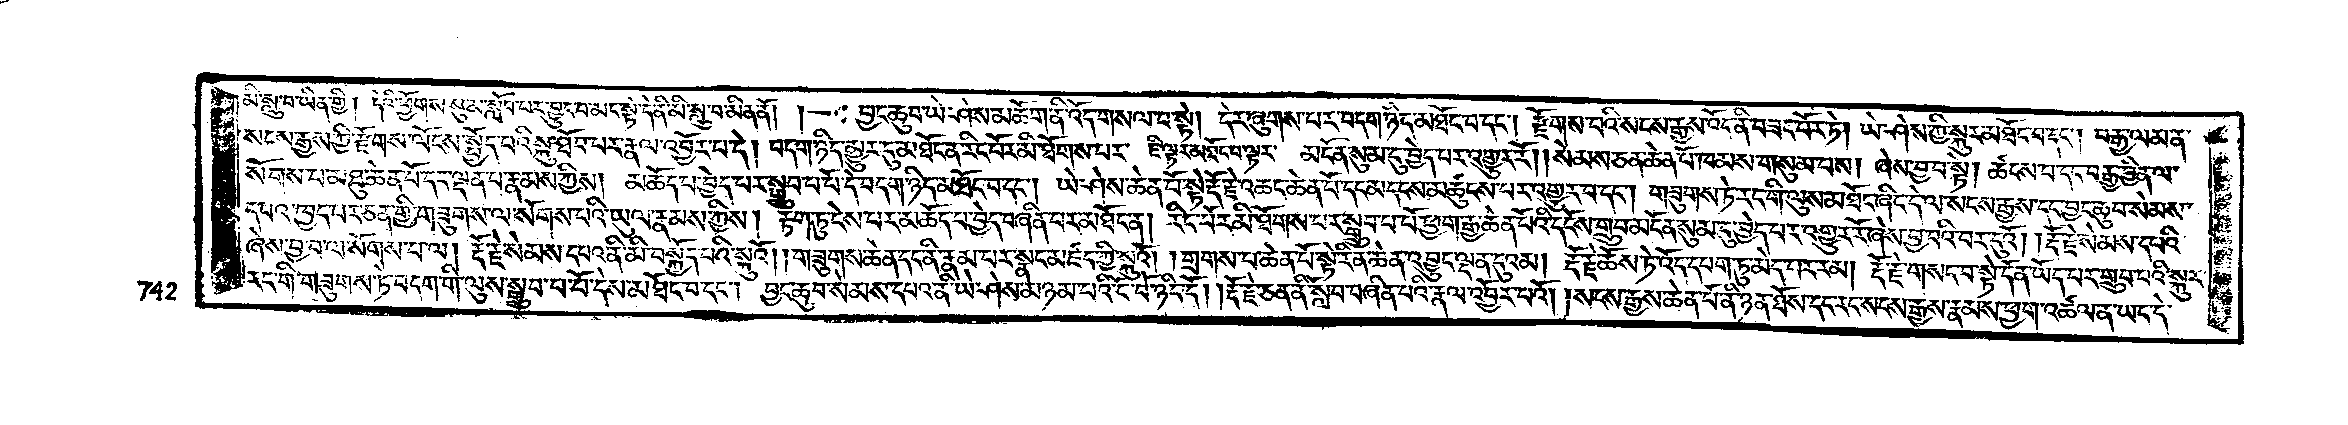མི་སླུ་བ་ཡིན་གྱི། དེའི་ཕྱོགས་སུ་མ་སློབ་པར་བྱུང་བ་མང་སྟེ་དེ་ནི་མི་སླུ་བ་མིན་ནོ། ། .Hབྱང་ཆུབ་ཡེ་ཤེས་མཆོག་ནི་འོད་གསལ་བ་སྟེ། དེར་ཞུགས་པར་བདག་ཉིད་མཐོང་བ་དང་། རྫོགས་པའི་སངས་རྒྱས་འོད་ནི་བཟང་པོར་ཏེ། ཡེ་ཤེས་ཀྱི་སྐུར་མཐོང་བ་དང་། བརྒྱ་ལམ་ན་
སངས་རྒྱས་ཀྱི་རྫོགས་ལོངས་སྤྱོད་པའི་སྐུ་ཐོབ་པར་རྣལ་འབྱོར་པ་དེ། བདག་ཉིད་མྱུར་དུ་མཐོང་ན་རིང་པོར་མི་ཐོགས་པར་ཇི་ལྟར་མཐོང་བ་ལྟར་མངོན་སུམ་དུ་བྱེད་པར་འགྱུར་རོ། །སེམས་ཅན་ཆེན་པོ་ཁམས་གསུམ་པས། ཞེས་བྱ་བ་སྟེ། ཚངས་པ་དང་བརྒྱ་བྱིན་ལ་
སོགས་པ་མཐུ་ཆེན་པོ་དང་ལྡན་པ་རྣམས་ཀྱིས། མཆོད་པ་བྱེད་པར་སྒྲུབ་པ་པོ་དེ་བདག་ཉིད་མཐོང་བ་དང་། ཡེ་ཤེས་ཆེན་པོ་སྟེ་རྡོ་རྗེ་འཆང་ཆེན་པོ་དང་མདངས་མཚུངས་པར་འགྱུར་བ་དང་། གཟུགས་ཏེ་རང་གི་ལུས་མཐོང་ཞིང་དེ་ལ་སངས་རྒྱས་དང་བྱང་ཆུབ་སེམས་
དཔའ་ཁྱད་པར་ཅན་གྱི་གཟུགས་ལ་སོགས་པའི་ཡུལ་རྣམས་ཀྱིས། རྟག་ཏུ་ངེས་པར་མཆོད་པ་བྱེད་བཞིན་པར་མཐོང་ན། རིང་པོར་མི་ཐོགས་པར་སྒྲུབ་པ་པོ་ཕྱག་རྒྱ་ཆེན་པོའི་དངོས་གྲུབ་མངོན་སུམ་དུ་བྱེད་པར་འགྱུར་རོ་ཞེས་བྱ་བའི་བར་དུའོ། །རྡོ་རྗེ་སེམས་དཔའི་
ཞེས་བྱ་བ་ལ་སོགས་པ་ལ། རྡོ་རྗེ་སེམས་དཔའ་ནི་མི་བསྐྱོད་པའི་སྐུའོ། །གཟུགས་ཆེན་དང་ནི་རྣམ་པར་སྣང་མཛད་ཀྱི་སྐུའོ། །གྲགས་པ་ཆེན་པོ་སྟེ་རིན་ཆེན་འབྱུང་ལྡན་དུའམ། རྡོ་རྗེ་ཆོས་ཏེ་འོད་དཔག་ཏུ་མེད་པར་རམ། རྡོ་རྗེ་གསང་བ་སྟེ་དོན་ཡོད་པར་གྲུབ་པའི་སྐུར་
རང་གི་གཟུགས་ཏེ་བདག་གི་ལུས་སྒྲུབ་པ་པོ་དེས་མཐོང་བ་དང་། བྱང་ཆུབ་སེམས་དཔའ་ནི་ཡེ་ཤེས་མཉམ་པའི་ངོ་བོ་ཉིད་དོ། །རྡོ་རྗེ་ཅན་ནི་སློབ་བཞིན་པའི་རྣལ་འབྱོར་པའོ། །སངས་རྒྱས་ཆེན་པོ་ནྣི་ཉན་ཐོས་དང་རང་སངས་རྒྱས་རྣམས་ཕྱག་འཚལ་ན་ཡང་དེ་